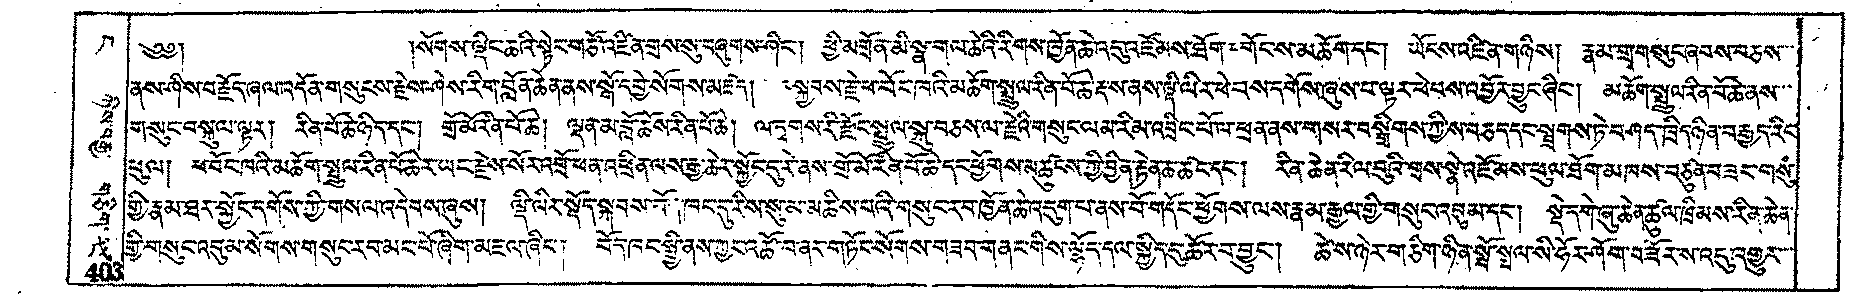༄༅། །སོགས་ལྡིང་ཆའི་སྟེང་གཙོ་འཛིན་གྲས་སུ་བཞུགས་ཤིང་། ཕྱི་མགྲོན་མི་སྣ་གལ་ཆེའི་རིགས་ཁྱོན་ཆེ་འདུ་འཛོམས་ཐོག་༧གོང་ས་མཆོག་དང་། ཡོངས་འཛིན་གཉིས། རྣམ་གྲྭ་གསུང་ཞབས་བཅས་
ནས་ཤིས་བརྗོད་ཞལ་འདོན་གསུངས་རྗེས་ཤེས་རིག་བློན་ཆེན་ནས་སྒོ་དབྱེ་སོགས་མཛད། ༧སྐྱབས་རྗེ་ཕ་བོང་ཁའི་མཆོག་སྤྲུལ་རིན་པོ་ཆེ་རྡ་ས་ནས་ལྡི་ལིར་ཕེབས་དགོས་ཞུས་པ་ལྟར་ཕེབས་འབྱོར་བྱུང་ཞིང་། མཆོག་སྤྲུལ་རིན་པོ་ཆེ་ནས་
གསུང་བསྐུལ་ལྟར། རིན་པོ་ཆེ་ཉིད་དང་། གྲོ་མོ་རིན་པོ་ཆེ། ལྡན་མ་བློ་ཆོས་རིན་པོ་ཆེ། ལ་དྭགས་རི་རྫོང་སྤྲུལ་སྐུ་བཅས་ལ་རྗེའི་གསུང་ལམ་རིམ་འབྲིང་པོ་ལ་ཕྲན་ནས་གསར་བསྒྲིགས་ཀྱིས་བཅད་དང་སྦྲགས་ཏེ་བཤད་ཁྲིད་ཉིན་བརྒྱད་རིང་
ཕུལ། ཕ་བོང་ཁའི་མཆོག་སྤྲུལ་རིན་པོ་ཆེར་ཡང་རྗེས་སོར་འགྲོ་ཕན་འཕྲིན་ལས་རྒྱ་ཆེར་སྐྱོང་དུ་རེ་ནས་གྲོ་མོ་རིན་པོ་ཆེ་དང་ཕྱོགས་མཚུངས་ཀྱི་བྱིན་རྟེན་ཆ་ཚང་དང་། རིན་ཆེན་རིལ་བུའི་གྲས་སྣེ་འཛོམས་ཕུལ་ཐོག་མཁས་བཙུན་བཟང་གསུཾ་
གྱི་རྣམ་ཐར་སྐྱོང་དགོས་ཀྱི་གསལ་འདེབས་ཞུས། ལྡི་ལིར་སྡོད་སྐབས་བོད་ཁང་དུ་རིས་སུ་མ་མཆིས་པའི་གསུང་རབ་ཁྱོན་ཆེ་འདུག་པ་ནས་བོ་གདོང་ཕྱོགས་ལས་རྣམ་རྒྱལ་གྱི་གསུང་འབུམ་དང་། སྡེ་དགེ་ཞུ་ཆེན་ཚུལ་ཁྲིམས་རིན་ཆེན་
གྱི་གསུང་འབུམ་སོགས་གསུང་རབ་མང་པོ་ཞིག་མཇལ་ཞིང་། བོད་ཁང་སྤྱི་ནས་ཀྱང་འཚོ་བ་ནར་གཏོང་སོགས་གཟབ་གནང་གིས་ལྷོད་དལ་སྐྱིད་དུ་ཚོར་བ་བྱུང་། ཚེས་ཉེར་གཅིག་ཉིན་སྦོ་སྤལ་སི་ཧོར་ཤོག་བཟོར་ས་འདུ་འགྱུར་